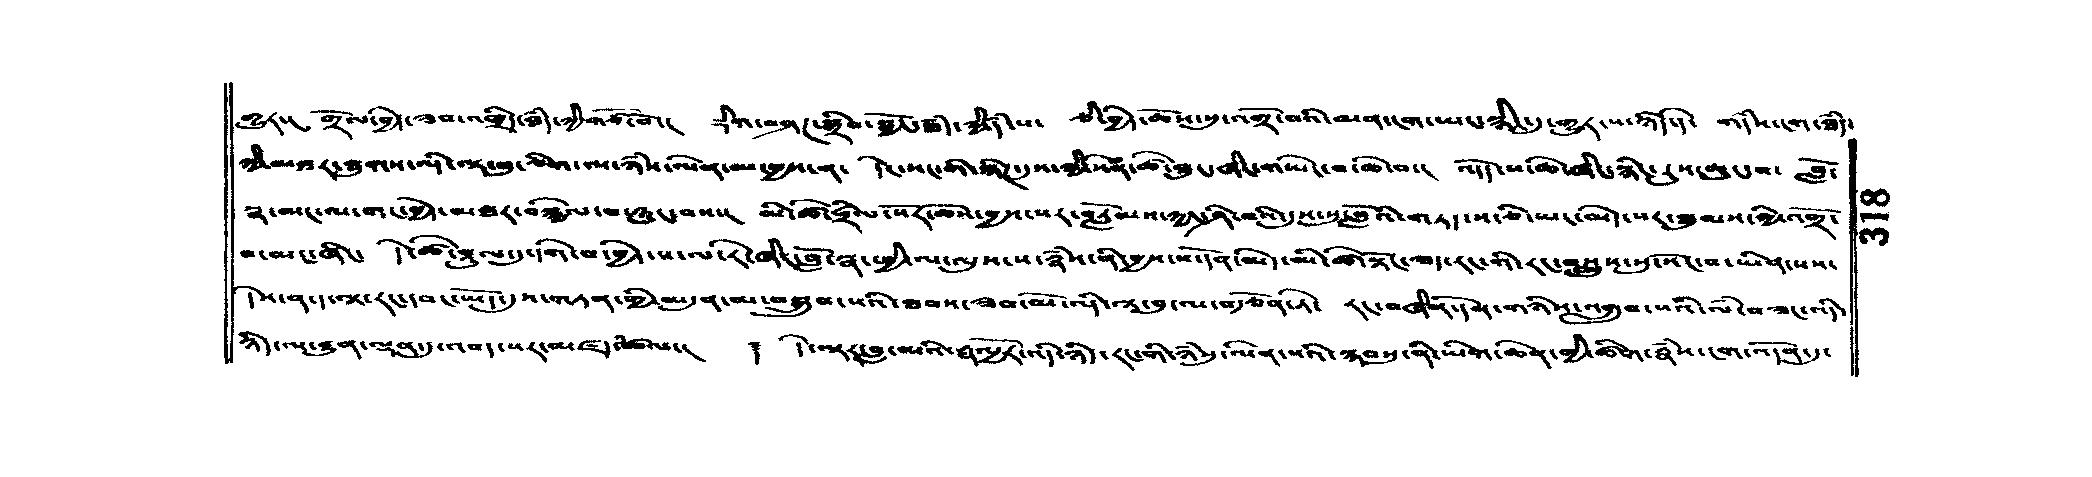གྱུར། གྲོལ་བྱེད་ཟབ་འཁྲིད་ཐམས་ཅད་ཀྱི་གཙོ་བོ། སྡིག་བཤགས་སྒྲིབ་སྦྱོང་ཐམས་ཅད་ཀྱི་དམ་པ། ཅི་བྱེད་ཆོས་སུ་འགྲོ་བའི་མན་ངག་ཡང་སྙིང་དུ་གྱུར་པ་ཉིད་དོ། གདམས་ངག་ཐམས་ཅད་
ཀྱི་མཐར་ཐུག་འདི་ལྟ་བུ་ཞིག་ལ་ཉམས་ལེན་མ་བྱས་ན། དེང་སང་སྙིགས་དུས་ཀྱི་སེམས་ཅན་ཚེ་ཐུང་ཞིང་གཡེང་བ་ཆེ་བ། འདོད་པ་ཆེ་ཞིང་སྙིང་རུས་ཆུང་བ། བློ་
སྣ་མང་ལ་གང་བྱེད་མཐར་བསྐྱེལ་བ་ཉུང་བས། མི་ཚེ་ཧྲིལ་པོར་ཆོས་བྱེད་པར་བརློམས་ཀྱང་ཤི་བའི་དུས་སུ་བློའི་གཏད་ས་ཅི་ཡང་མེད་པར་ཐུམས་ཀྱི་འགྲོ་
བ་མང་ཞིང་། དེ་ཚེ་ཤུལ་དུ་དགེ་བ་བྱེད་པ་ལ་རེ་ཞིང་བློ་སྣ་ཕྱི་ལ་ལུས་པ་རྣམས་ནི་བྱས་པ་དོན་མེད་མི་ཚེ་སྟོང་ཟད་རང་གི་རང་བསླུས་སུ་སོང་བ་ཡིན་པས།
དེས་ན་ད་ལྟ་རང་དབང་ཡོད་དུས་གཏན་གྱི་མདུན་མ་བསྒྲུབ་པའི་ཐབས་ཟབ་མོ་འདི་ལྟ་བུ་ལ་བརྩོན་ཏེ། རང་གཞན་དོན་གཉིས་འགྲུབ་པའི་ལམ་བཟང་འདི་
ཉིད་ལ་རྒྱུན་ལྡན་དུ་འབད་པར་མཛད་འཚལ། ༈ དེ་ལྟར་བླ་མའི་རྣལ་འབྱོར་འདི་ཉིད་རང་གི་ཉམས་སུ་ལེན་པའི་སྐབས་ནི་ཡིག་ཆེན་གྱི་ཚིག་རྣམས་ངག་དོན་དུ་